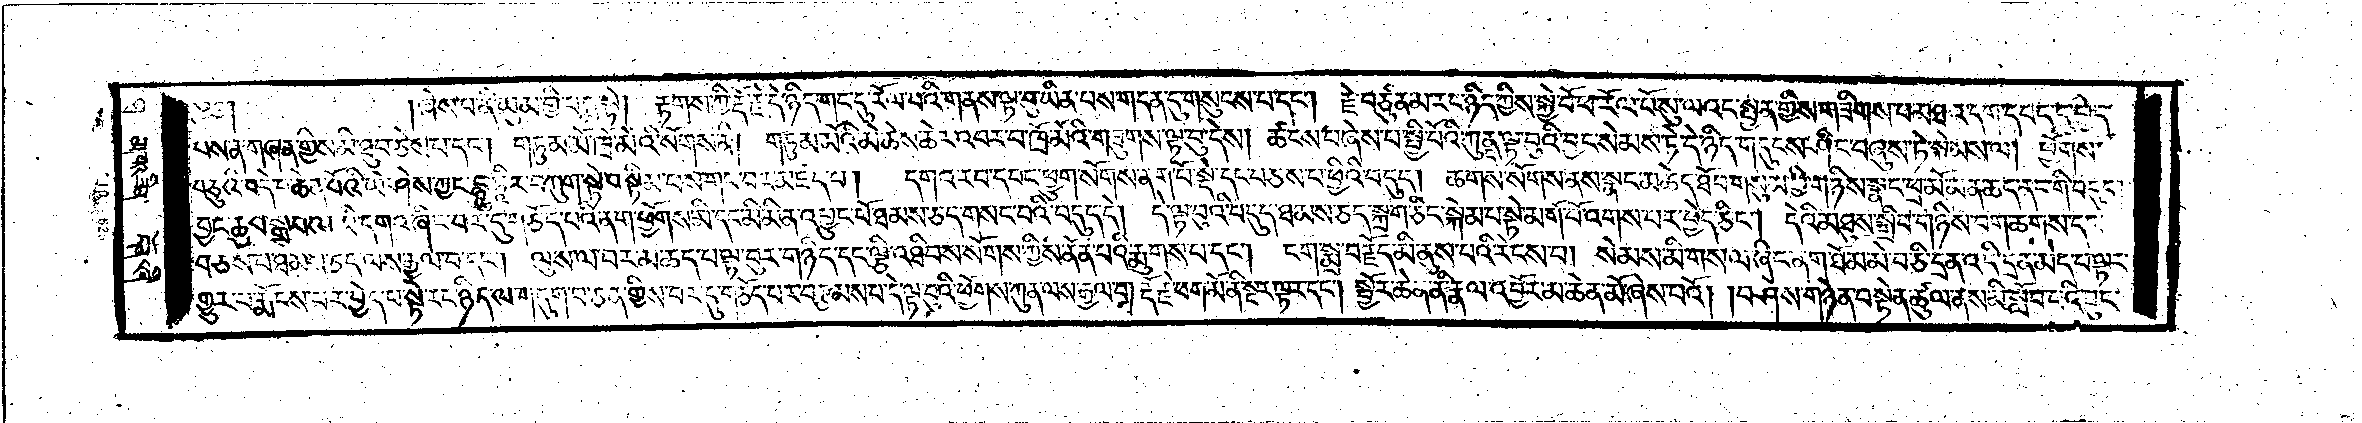༄༅། །ཞེས་པ་ནི་ཡུམ་གྱི་པདམ་སྟེ། རྟགས་ཀྱི་རྡོ་རྗེ་དེ་ཉིད་གང་དུ་རོལ་བའི་གནས་ལྟ་བུ་ཡིན་པས་གདན་དུ་གསུངས་པ་དང་། རྗེ་བཙུན་མ་རང་ཉིད་ཀྱིས་སྐྱེ་བོ་ཕ་རོལ་པོ་སུ་ལའང་སྤྱན་གྱིས་གཟིགས་པ་མཐའ་དག་དབང་དུ་བྱེད་
པས་ན་གཞན་གྱིས་མི་ཐུབ་ཅེས་པ་དང་། གཏུམ་མོ་ཁྲོ་མོའི་སོགས་ནི། གཏུམ་མོའི་མེ་ཆེས་ཆེར་འབར་བ་ཁྲོ་མོའི་གཟུགས་ལྟ་བུ་དེས། ཚངས་པ་ཞེས་པ་སྤྱི་བོའི་ཀུནྡ་ལྟ་བུའི་བྱང་སེམས་ཏེ་དེ་ཉིད་གདུངས་ཤིང་བཞུས་ཏེ་སྐེམས་ལ། ཕྱོགས་
བཅུའི་བདེ་བ་ཆེན་པོའི་ཡེ་ཤེས་ཀྱང་དྷཱུ་ཏཱིར་བཀུག་སྟེ་བསྟིམ་པས་གང་བར་མཛད་པ། དགའ་རབ་དབང་ཕྱུག་སོགས་ནག་པོ་སྡེ་དང་བཅས་པ་ཕྱིའི་བདུད། ཆགས་སོགས་ནས་སྣང་མཆེད་ཐོབ་གསུམ་གྱི་གཉིས་སྣང་ཕྲ་མོ་མན་ཆད་ནང་གི་བདུད།
བྱང་ཆུབ་སྒྲུབ་ལ་མི་དགའ་ཞིང་བར་དུ་གཅོད་པའི་ནག་ཕྱོགས་མི་དང་མི་མིན་འབྱུང་པོ་ཐམས་ཅད་གསང་བའི་བདུད་དེ། དེ་ལྟ་བུའི་བདུད་ཐམས་ཅད་སྐྲག་ཅིང་སྐེམ་པ་སྟེ་མགོ་བོ་འགས་པར་བྱེད་ཅིང་། དེའི་མཐུས་སྒྲིབ་གཉིས་བག་ཆགས་དང་
བཅས་པ་ཐམས་ཅད་ལས་རྒྱལ་བ་དང་། ལུས་ལ་བར་མ་ཆད་པ་ལྟ་བུར་གཉིད་དང་ལྕི་འཐིབས་སོགས་ཀྱིས་ནོན་པའི་རྨུགས་པ་དང་། ངག་སྨྲ་བརྗོད་མི་ནུས་པའི་རེངས་པ། སེམས་མི་གསལ་ཞིང་ནག་ཐོམ་མེ་བ་ཅི་དྲན་འདི་དྲན་མེད་པ་ལྟར་
གྱུར་པ་རྨོངས་པར་བྱེད་པ་སྟེ་རང་ཉིད་ལག་དུག་པ་ཅན་གྱིས་བར་དུ་གཅོད་པར་བརྩམས་པ་དེ་ལྟ་བུའི་ཕྱོགས་ཀུན་ལས་རྒྱལ་བ། རྡོ་རྗེ་ཕག་མོ་ནི་སྔར་ལྟར་དང་། སྦྱོར་ཆེན་ནི་རྣལ་འབྱོར་མ་ཆེན་མོ་ཞེས་པའོ། །བཤེས་གཉེན་བསྟེན་ཚུལ་ནས་མི་སློབ་པའི་ཟུང་